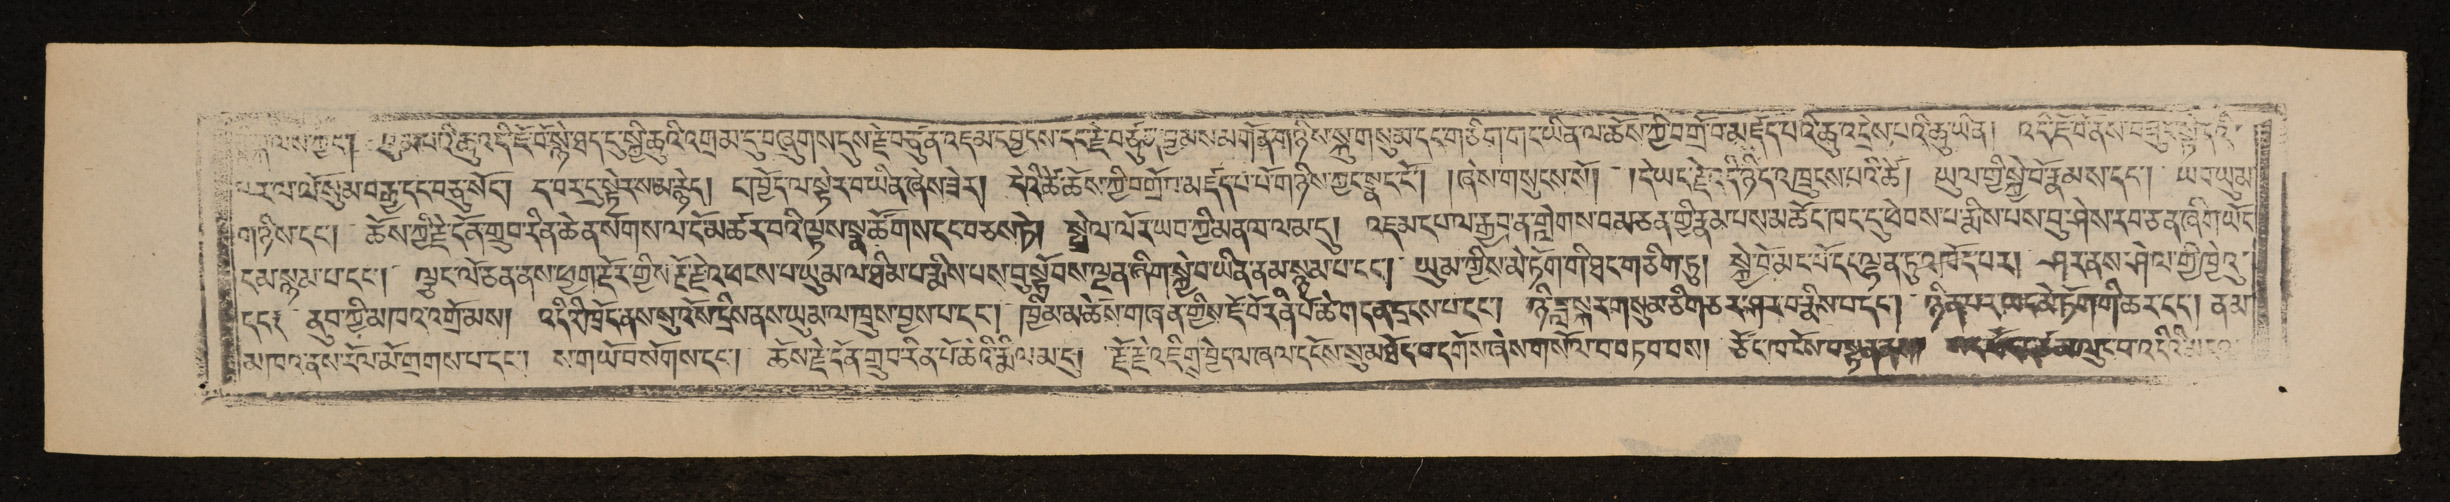ཊཱིཀྐ་ལས་ཀྱང་། བུམ་པའི་ཆུ་འདི་ཇོ་བོ་སྙེ་ཐང་དུ་སྐྱི་ཆུའི་འགྲམ་དུ་བཞུགས་དུས་རྗེ་བཙུན་འཇམ་དབྱངས་དང་རྗེ་བཙུན་བྱམས་མགོན་གཉིས་སྐུ་གསུམ་དང་གཅིག་གང་ཡིན་ལ་ཆོས་ཀྱི་འགྲོ་བ་མཛད་པའི་ཆུ་འདྲེས་པའི་ཆུ་ཡིན། འདི་ཇོ་བོ་ནས་བཟུང་སྟེ་དའི་
བར་ལ་ལོ་སུམ་བརྒྱ་དང་བཅུ་སོང་། ད་བར་དུ་སྟེར་ས་མ་རྙེད། ང་ཁྱོད་ལ་སྟེར་བ་ཡིན་ཞེས་ཟེར། དེའི་ཚེ་ཆོས་ཀྱི་འགྲོ་བ་མཛད་པ་པོ་གཉིས་ཀྱང་སྣང་ངོ། །ཞེས་གསུངས་སོ། །དེ་ཡང་རྗེ་འདི་ཉིད་འཁྲུངས་པའི་ཚེ། ཡུལ་གྱི་སྐྱེ་བོ་རྣམས་དང་། ཡབ་ཡུམ་
གཉིས་དང་། ཆོས་ཀྱི་རྗེ་དོན་གྲུབ་རིན་ཆེན་སོགས་ལ་ངོ་མཚར་བའི་ལྷས་སྣ་ཚོགས་དང་བཅས་ཏེ། སྦྲེལ་ལོར་ཡབ་ཀྱི་མནལ་ལམ་དུ། འཇམ་དཔལ་རྒྱ་བན་གླེགས་བམ་ཅན་གྱི་རྣམ་པས་མཆོད་ཁང་དུ་ཕེབས་པ་རྨིས་པས་བུ་ཤེས་རབ་ཅན་ཞིག་ཡོད་
ངམ་སྙམ་པ་དང་། ལྕང་ལོ་ཅན་ནས་ཕྱག་རྡོར་གྱིས་རྡོ་རྗེ་འཕངས་པ་ཡུམ་ལ་ཐིམ་པ་རྨིས་པས་བུ་སྟོབས་ལྡན་ཞིག་སྐྱེ་བ་ཡིན་ནམ་སྙམ་པ་དང་། ཡུམ་གྱིས་མེ་ཏོག་གི་ཐང་གཅིག་ཏུ། སྐྱེ་བོ་མང་པོ་དང་ལྷན་ཏུ་འཁོད་པར། ཤར་ནས་ཤེལ་གྱི་ཁྱེའུ་
དང༑ ནུབ་ཀྱི་མཁའ་འགྲོ་མས། འདིའི་ཁྲོད་ནས་སུ་འོས་དྲིས་ནས་ཡུམ་ལ་ཁྲུས་བྱས་པ་དང་། ཁྱིམ་མཚེས་གཞན་གྱིས་ཇོ་བོ་རིན་པོ་ཆེ་གདན་དྲངས་པ་དང་། ཉི་ཟླ་སྐར་གསུམ་ཅིག་ཅར་ཤར་བ་རྨིས་པ་དང་། ཉིན་པར་ཡང་མེ་ཏོག་གི་ཆར་དང་། ནམ་
མཁའ་ནས་རོལ་མོ་གྲགས་པ་དང་། ས་གཡོ་བ་སོགས་དང་། ཆོས་རྗེ་དོན་གྲུབ་རིན་པོ་ཆེའི་རྨི་ལམ་དུ། རྡོ་རྗེ་འཇིགས་བྱེད་ལ་ཞལ་དངོས་སུ་མཐོང་བ་དགོས་ཞེས་གསོལ་བ་བཏབ་པས། ཙོང་ཁ་ངོས་བསྟན་ནས། སང་ཕོད་ང་ཙམ་ལུང་པ་འདིའི་མདའ་